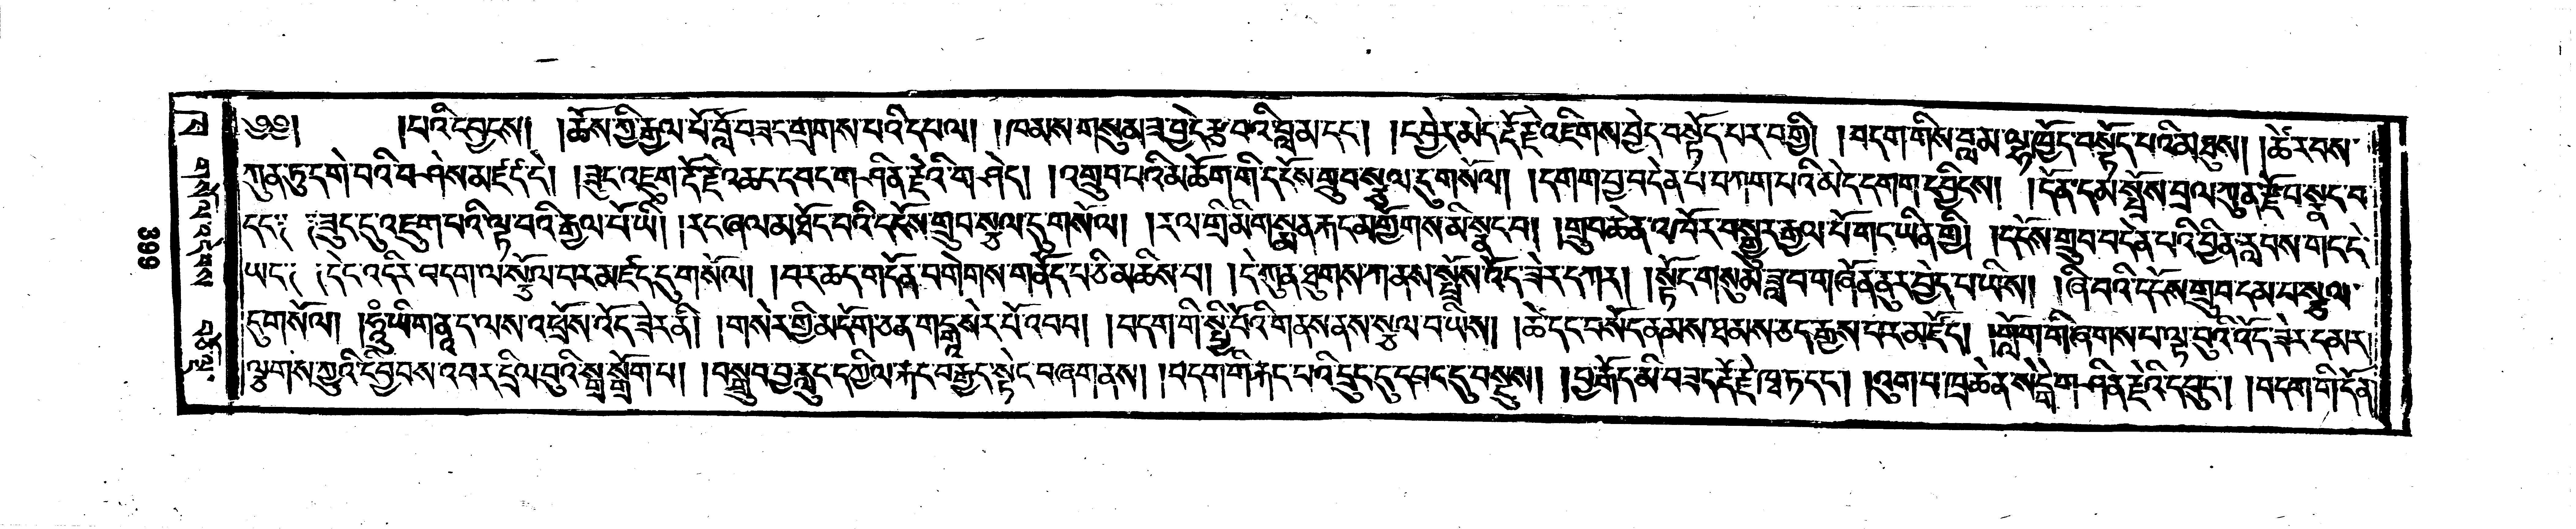༄༅། །པའི་དབྱངས། །ཆོས་ཀྱི་རྒྱལ་པོ་བློ་བཟང་གྲགས་པའི་དཔལ། །ཁམས་གསུམ་ཟ་བྱེད་རྩ་བའི་བླ་མ་དང་། །དབྱེར་མེད་རྡོ་རྗེ་འཇིགས་བྱེད་བསྟོད་པར་བགྱི། །བདག་གིས་བླ་མ་ལྷ་ཁྱོད་བསྟོད་པའི་མཐུས། །ཚེ་རབས་
ཀུན་ཏུ་དགེ་བའི་བཤེས་མཛད་དེ། །ཟུང་འཇུག་རྡོ་རྗེ་འཆང་དབང་གཤིན་རྗེའི་གཤེད། །འགྲུབ་པའི་མཆོག་གི་དངོས་གྲུབ་སྩལ་དུ་གསོལ། །དགག་བྱ་བདེན་པ་བཀག་པའི་མེད་དགག་དབྱིངས། །དོན་དམ་སྤྲོས་བྲལ་ཀུན་རྫོབ་སྣང་བ་
དང༑ ༑ཟུང་དུ་འཇུག་པའི་ལྟ་བའི་རྒྱལ་པོ་ཡི། །རང་ཞལ་མཐོང་བའི་དངོས་གྲུབ་སྩལ་དུ་གསོལ། །རལ་གྲི་མིག་སྨན་རྐང་མགྱོགས་མི་སྣང་བ། །གྲུབ་ཆེན་འཁོར་བསྒྱུར་རྒྱལ་པོ་གང་ཡིན་གྱི། །དངོས་གྲུབ་དབེན་པའི་བྱིན་རླབས་གང་དེ་
ཡང༑ ༑དེང་འདིར་བདག་ལ་སྩོལ་བར་མཛད་དུ་གསོལ། །བར་ཆད་གདོན་བགེགས་གནོད་པ་ཅི་མཆིས་པ། །དེ་ཀུན་ཐུགས་ཀ་ནས་སྤྲོས་འོད་ཟེར་དཀར། །སྟོང་གསུམ་ཟླ་བ་གཞོན་ནུར་བྱེད་པ་ཡིས། །ཞི་བའི་དངོས་གྲུབ་དམ་པ་སྩལ་
དུ་གསོལ། །ཧཱུཾ་ཡིག་ནཱ་ད་ལས་འཕྲོས་འོད་ཟེར་ནི། །གསེར་གྱི་མདོག་ཅན་གངྒཱ་སེར་བོ་འབབ། །བདག་གི་སྤྱི་བོའི་གནས་ནས་སྩལ་བ་ཡིས། །ཚེ་དང་བསོད་ནམས་ཐམས་ཅད་རྒྱས་པར་མཛོད། །གློག་གི་ཞགས་པ་ལྟ་བུའི་འོད་ཟེར་དམར་
ལྕགས་ཀྱུའི་དབྱིབས་འབར་དྲིལ་བུའི་སྒྲ་སྒྲོག་པ། །བསྒྲུབ་བྱ་རླུང་དཀྱིལ་རྐང་བརྒྱད་སྟེང་བཞག་ནས། །བདག་གི་རྐང་པའི་དྲུང་དུ་དབང་དུ་བསྡུས། །བྱ་རྒོད་མི་བཟད་རྡོ་རྗེ་ཁྭ་ཏ་དང་། །འུག་པ་ཁྲ་ཆེན་སེངྒེ་གཤིན་རྗེའི་དཔུང་། །བདག་གི་དོན་